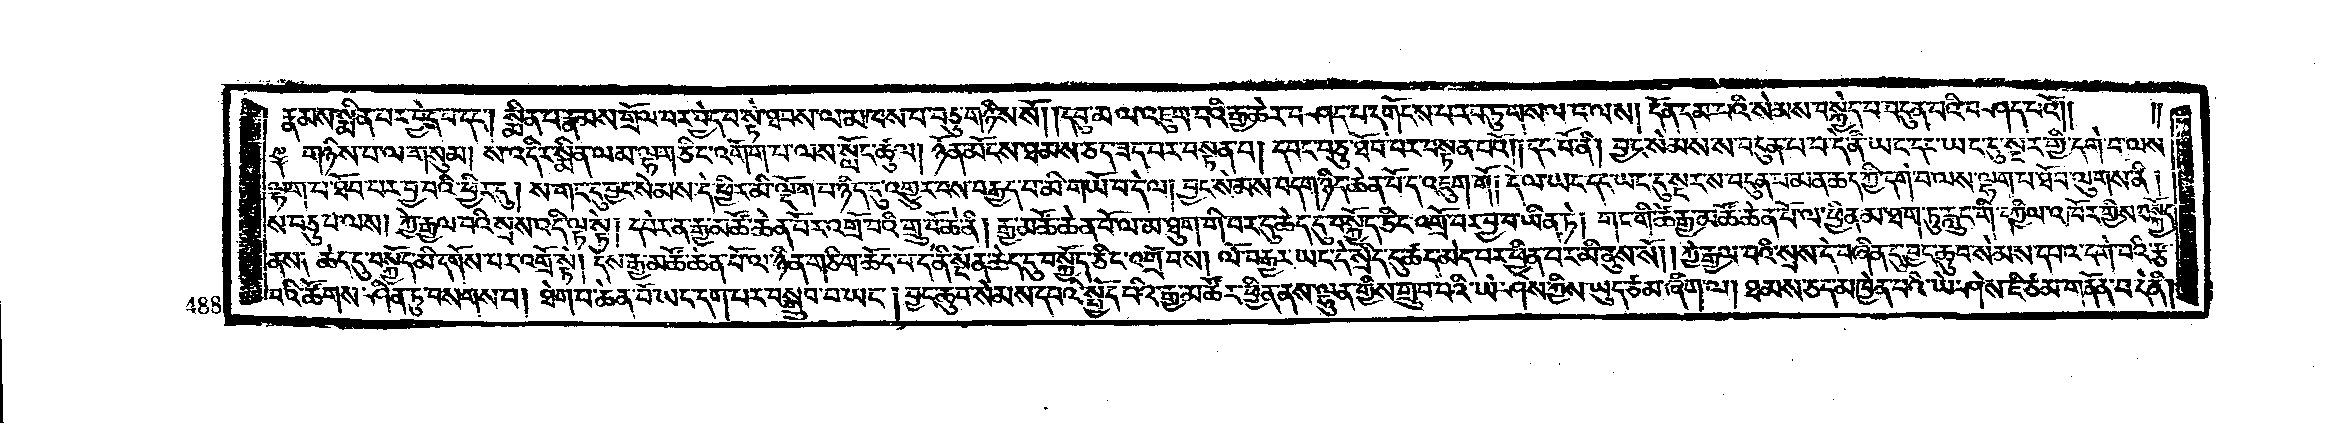རྣམས་སྨིན་པར་བྱེད་པ་དང་། སྨིན་པ་རྣམས་གྲོལ་བར་བྱེད་པ་སྟེ་ཐབས་ལ་མཁས་པ་བཅུ་གཉིས་སོ། །དབུ་མ་ལ་འཇུག་པའི་རྒྱ་ཆེར་བཤད་པ་དགོངས་པ་རབ་ཏུ་གསལ་བ་ལས། དོན་དམ་པའི་སེམས་བསྐྱེད་པ་བདུན་པའི་བཤད་པའོ།། ༈ །།
གཉིས་པ་ལ་གསུམ། ས་འདིར་སྨོན་ལམ་ལྷག་ཅིང་འགོག་པ་ལས་སློང་ཚུལ། ཉོན་མོངས་ཐམས་ཅད་ཟད་པར་བསྟན་པ། དབང་བཅུ་ཐོབ་པར་བསྟན་པའོ། །དང་པོ་ནི། བྱང་སེམས་ས་བདུན་པ་བ་དེ་ནི་ཡང་དང་ཡང་དུ་སྔར་གྱི་དགེ་བ་ལས་
ལྷག་པ་ཐོབ་པར་བྱ་བའི་ཕྱིར་དུ། ས་གང་དུ་བྱང་སེམས་དེ་ཕྱིར་མི་ལྡོག་པ་ཉིད་དུ་འགྱུར་བས་བརྒྱད་པ་མི་གཡོ་བ་དེ་ལ། བྱང་སེམས་བདག་ཉིད་ཆེན་པོ་དེ་འཇུག་གོ །དེ་ལ་ཡང་དང་ཡང་དུ་སྔར་ས་བདུན་པ་མན་ཆད་ཀྱི་དགེ་བ་ལས་ལྷག་པ་ཐོབ་ལུགས་ནི།
ས་བཅུ་པ་ལས། ཀྱེ་རྒྱལ་བའི་སྲས་འདི་ལྟ་སྟེ། དཔེར་ན་རྒྱ་མཚོ་ཆེན་པོར་འགྲོ་བའི་གྲུ་བོ་ཆེ་ནི། རྒྱ་མཚོ་ཆེན་པོ་ལ་མ་ཐུག་གི་བར་དུ་ཆེད་དུ་བསྐྱོད་ཅིང་འགྲོ་བར་བྱ་བ་ཡིན་ཏེ། གང་གི་ཚེ་རྒྱ་མཚོ་ཆེན་པོ་ལ་ཕྱིན་མ་ཐག་ཏུ་རླུང་གི་དཀྱིལ་འཁོར་གྱིས་བསྐྱོད་
ནས། ཆེད་དུ་བསྐྱོད་མི་དགོས་པར་འགྲོ་སྟེ། དེས་རྒྱ་མཚོ་ཆེན་པོ་ལ་ཉིན་གཅིག་ཆོད་པ་དེ་ནི་སྔོན་ཆེད་དུ་བསྐྱོད་ཅིང་འགྲོ་བས། ལོ་བརྒྱར་ཡང་དེ་སྲིད་དུ་ཚད་མེད་པར་ཕྱིན་པར་མི་ནུས་སོ། །ཀྱེ་རྒྱལ་བའི་སྲས་དེ་བཞིན་དུ་བྱང་ཆུབ་སེམས་དཔའ་དགེ་བའི་རྩ་
བའི་ཚོགས་ཤིན་ཏུ་བསགས་པ། ཐེག་པ་ཆེན་པོ་ཡང་དག་པར་བསྒྲུབ་པ་ཡང་། བྱང་ཆུབ་སེམས་དཔའི་སྤྱོད་པའི་རྒྱ་མཚོར་ཕྱིན་ནས་ལྷུན་གྱིས་གྲུབ་པའི་ཡེ་ཤེས་ཀྱིས་ཡུད་ཙམ་ཞིག་ལ། ཐམས་ཅད་མཁྱེན་པའི་ཡེ་ཤེས་ཇི་ཙམ་གནོན་པ་དེ་ནི།